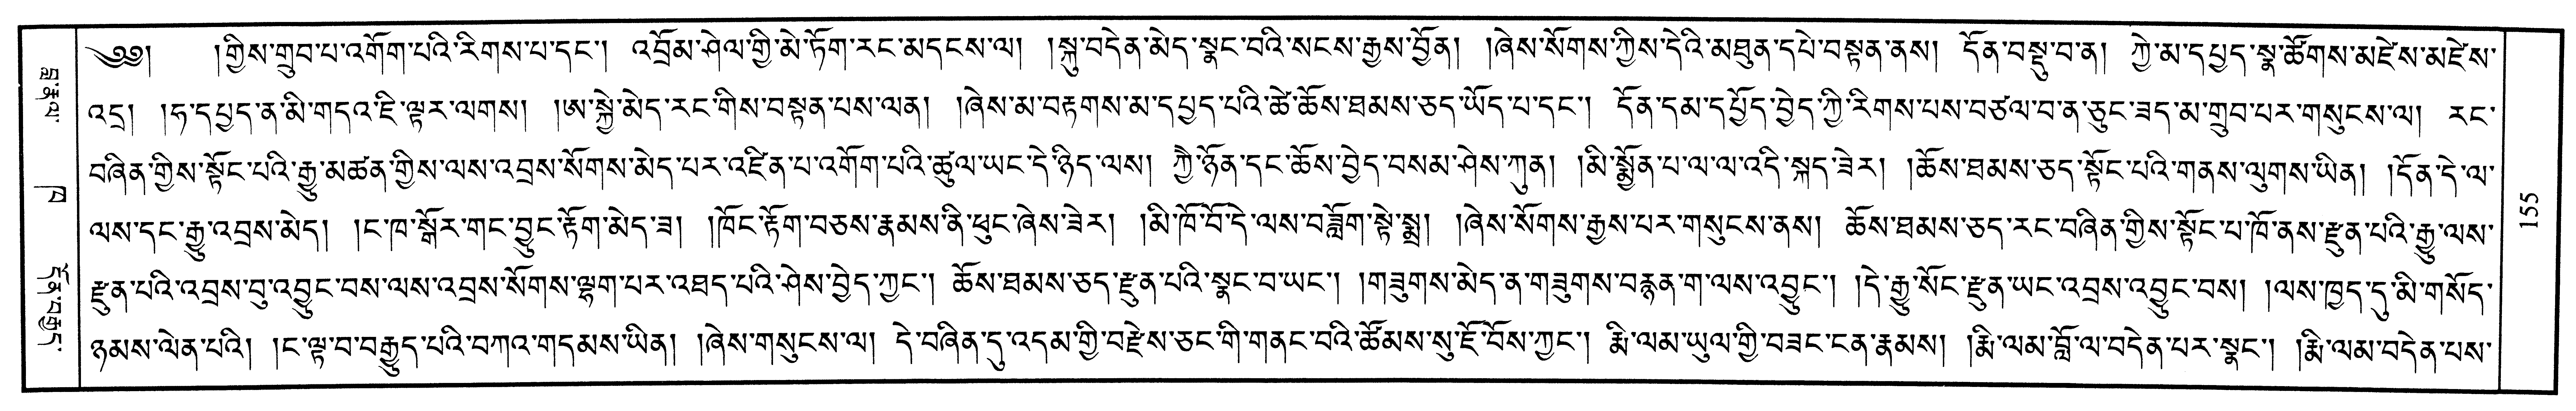༄༅། །གྱིས་གྲུབ་པ་འགོག་པའི་རིགས་པ་དང་། འབྲོམ་ཤེལ་གྱི་མེ་ཏོག་རང་མདངས་ལ། །སྐུ་བདེན་མེད་སྣང་བའི་སངས་རྒྱས་བྱོན། །ཞེས་སོགས་ཀྱིས་དེའི་མཐུན་དཔེ་བསྟན་ནས། དོན་བསྡུ་བ་ན། ཀྱེ་མ་དཔྱད་སྣ་ཚོགས་མཛེས་མཛེས་
འདྲ། །ཧ་དཔྱད་ན་མི་གདའ་ཇི་ལྟར་ལགས། །ཨ་སྐྱེ་མེད་རང་གིས་བསྟན་པས་ལན། །ཞེས་མ་བརྟགས་མ་དཔྱད་པའི་ཚེ་ཆོས་ཐམས་ཅད་ཡོད་པ་དང་། དོན་དམ་དཔྱོད་བྱེད་ཀྱི་རིགས་པས་བཙལ་བ་ན་ཅུང་ཟད་མ་གྲུབ་པར་གསུངས་ལ། རང་
བཞིན་གྱིས་སྟོང་པའི་རྒྱུ་མཚན་གྱིས་ལས་འབྲས་སོགས་མེད་པར་འཛིན་པ་འགོག་པའི་ཚུལ་ཡང་དེ་ཉིད་ལས། ཀྱཻ་ཉོན་དང་ཆོས་བྱེད་བསམ་ཤེས་ཀུན། །མི་སྨྱོན་པ་ལ་ལ་འདི་སྐད་ཟེར། །ཆོས་ཐམས་ཅད་སྟོང་པའི་གནས་ལུགས་ཡིན། །དོན་དེ་ལ་
ལས་དང་རྒྱུ་འབྲས་མེད། །ང་ཁ་སྒོར་གང་བྱུང་རྟོག་མེད་ཟ། །ཁོང་རྟོག་བཅས་རྣམས་ནི་ཕུང་ཞེས་ཟེར། །མི་ཁོ་བོ་དེ་ལས་བཟློག་སྟེ་སྨྲ། །ཞེས་སོགས་རྒྱས་པར་གསུངས་ནས། ཆོས་ཐམས་ཅད་རང་བཞིན་གྱིས་སྟོང་པ་ཁོ་ནས་རྫུན་པའི་རྒྱུ་ལས་
རྫུན་པའི་འབྲས་བུ་འབྱུང་བས་ལས་འབྲས་སོགས་ལྷག་པར་འཐད་པའི་ཤེས་བྱེད་ཀྱང་། ཆོས་ཐམས་ཅད་རྫུན་པའི་སྣང་བ་ཡང་། །གཟུགས་མེད་ན་གཟུགས་བརྙན་ག་ལས་འབྱུང་། །དེ་རྒྱུ་སོང་རྫུན་ཡང་འབྲས་འབྱུང་བས། །ལས་ཁྱད་དུ་མི་གསོད་
ཉམས་ལེན་པའི། །ང་ལྟ་བ་བརྒྱུད་པའི་བཀའ་གདམས་ཡིན། །ཞེས་གསུངས་ལ། དེ་བཞིན་དུ་འདམ་གྱི་བརྫེས་ཅང་གི་གནང་བའི་ཚོམས་སུ་ཇོ་བོས་ཀྱང་། རྨི་ལམ་ཡུལ་གྱི་བཟང་ངན་རྣམས། །རྨི་ལམ་བློ་ལ་བདེན་པར་སྣང་། །རྨི་ལམ་བདེན་པས་